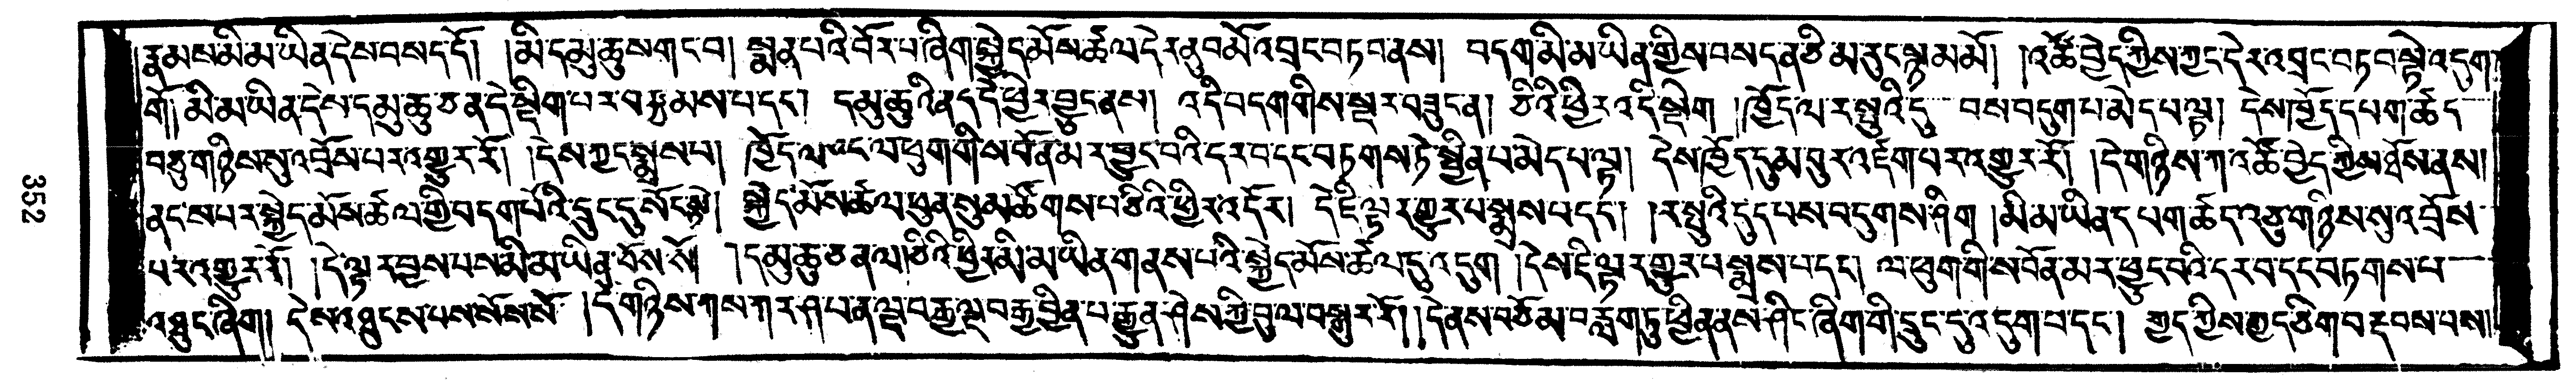རྣམས་མི་མ་ཡིན་དེས་བསད་དོ། །མི་དམུ་ཆུས་གང་བ། སྨན་པའི་བོར་བ་ཞིག་སྐྱེད་མོས་ཚལ་དེར་ནུབ་མོ་འབྲང་བཏབ་ནས། བདག་མི་མ་ཡིན་གྱིས་བསད་ན་ཅི་མ་རུང་སྙམ་མོ། །འཚོ་བྱེད་ཀྱིས་ཀྱང་དེར་འབྲང་བཏབ་སྟེ་འདུག་
གོ། མི་མ་ཡིན་དེས་དམུ་ཆུ་ཅན་དེ་སྡིག་པར་བརྩམས་པ་དང་། དམུ་ཆུའི་ནད་དེ་ཕྱིར་བྱུང་ནས། འདི་བདག་གིས་སྔར་བཟུང་ནས། ཅིའི་ཕྱིར་འདི་སྡིག །ཁྱོད་ལ་ར་སྤུའི་དུ་བས་བདུག་པ་མེད་པ་ལྟ། དེས་ཁྱོད་དཔག་ཚད་
བཅུ་གཉིས་སུ་འབྲོས་པར་འགྱུར་རོ། །དེས་ཀྱང་སྨྲས་པ། ཁྱོད་ལ་འང་ལ་ཕུག་གི་ས་བོན་མར་བྱུང་བའི་དར་བ་དང་བཏགས་ཏེ་སྦྱིན་པ་མེད་པ་ལྟ། དེས་ཁྱོད་དུམ་བུར་འཛག་པར་འགྱུར་རོ། །དེ་གཉིས་ཀ་འཚོ་བྱེད་ཀྱིས་ཐོས་ནས།
ནང་ས་པར་སྐྱེད་མོས་ཚལ་གྱི་བདག་པོའི་དྲུང་དུ་སོང་སྟེ། སྐྱེད་མོས་ཚལ་ཕུན་སུམ་ཚོགས་པ་ཅིའི་ཕྱིར་འདོར། དེ་ཇི་ལྟར་གྱུར་བ་སྨྲས་པ་དང་། །ར་སྤུའི་དུད་པས་བདུགས་ཤིག །མི་མ་ཡིན་དཔག་ཚད་བཅུ་གཉིས་སུ་འབྲོས་
པར་འགྱུར་རོ། །དེ་ལྟར་བྱས་པས་མི་མ་ཡིན་བོས་སོ། །དམུ་ཆུ་ཅན་ལ། ཅིའི་ཕྱིར་མི་མ་ཡིན་གནས་པའི་སྐྱེད་མོས་ཚལ་དུ་འདུག །དེས་ཇི་ལྟར་གྱུར་བ་སྨྲས་པ་དང་། ལ་ཕུག་གི་ས་བོན་མར་ཕྱུང་བའི་དར་བ་དང་བཏགས་པ་
འཐུང་ཞིག། དེས་འཐུངས་པས་སོས་སོ། །དེ་གཉིས་ཀས་ཀར་ཤ་པ་ན་ལྔ་བརྒྱ་ལྔ་བརྒྱ་བྱིན་པ་རྒྱུན་ཤེས་ཀྱི་བུ་ལ་བསྐུར་རོ། །དེ་ནས་བཅོམ་བརླག་ཏུ་ཕྱིན་ནས་ཤིང་ཞིག་གི་དྲུང་དུ་འདུག་པ་དང་། གྱད་ཀྱིས་གྱད་ཅིག་བརྡབས་པས།